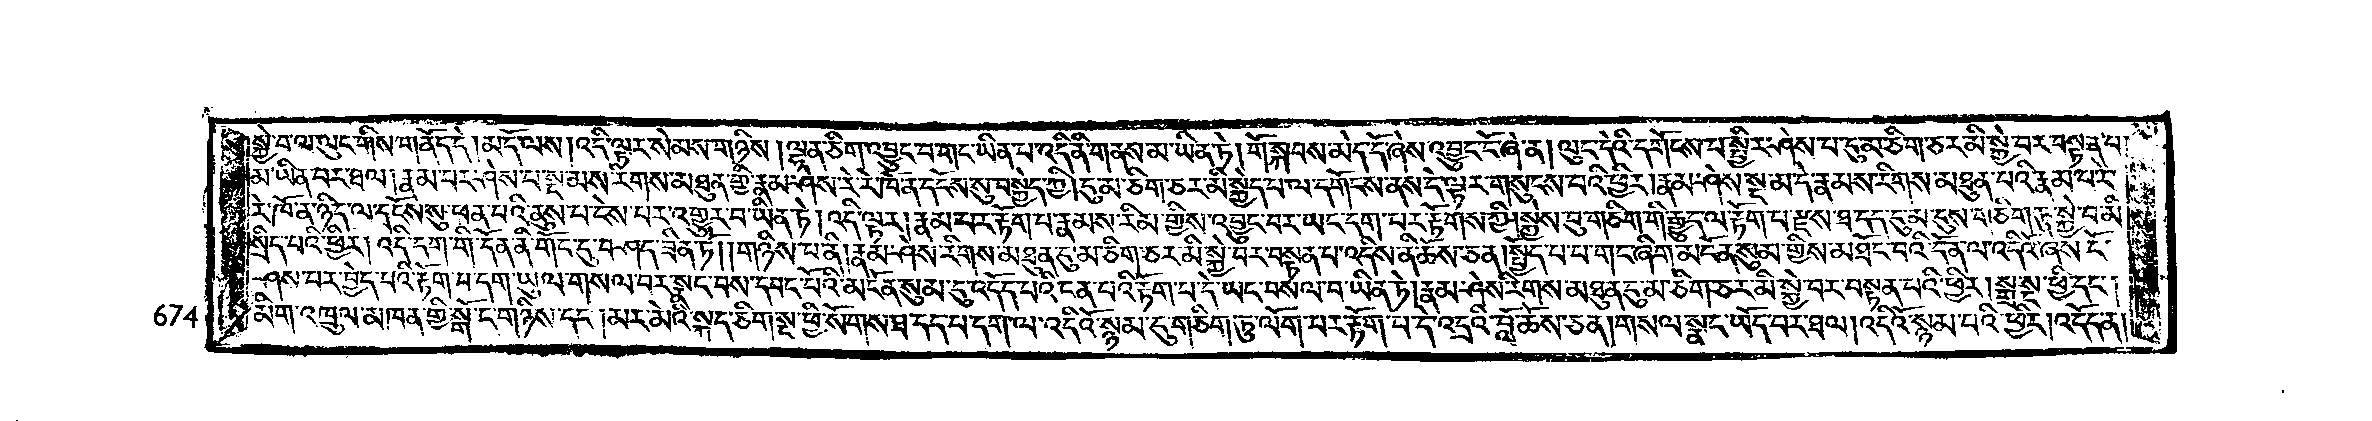སྐྱེ་བ་ལ་ལུང་གིས་གནོད་དེ། མདོ་ལས། འདི་ལྟར་སེམས་གཉིས། ལྷན་ཅིག་འབྱུང་བ་གང་ཡིན་པ་འདི་ནི་གནས་མ་ཡིན་ཏེ། གོ་སྐབས་མེད་དོ་ཞེས་འབྱུང་ངོ་ཞེ་ན། ལུང་དེའི་དགོངས་པ་སྤྱིར་ཤེས་པ་དུ་མ་ཅིག་ཅར་མི་སྐྱེ་བར་བསྟན་པ་
མ་ཡིན་པར་ཐལ། རྣམ་པར་ཤེས་པ་སྔ་མས་རིགས་མཐུན་གྱི་རྣམ་ཤེས་རེ་རེ་ཁོ་ན་དངོས་སུ་བསྐྱེད་ཀྱི། དུ་མ་ཅིག་ཅར་མི་སྐྱེད་པ་ལ་དགོངས་ནས་དེ་ལྟར་གསུངས་པའི་ཕྱིར། རྣམ་ཤེས་སྔ་མ་དེ་རྣམས་རིགས་མཐུན་པའི་རྣམ་པ་རེ་
རེ་ཁོ་ན་ཉིད་ལ་དངོས་སུ་ཕན་པའི་ནུས་པ་ངེས་པར་འགྱུར་བ་ཡིན་ཏེ། འདི་ལྟར། རྣམ་པར་རྟོག་པ་རྣམས་རིམ་གྱིས་འབྱུང་བར་ཡང་དག་པར་རྟོགས་ཀྱི། སྐྱེས་བུ་གཅིག་གི་རྒྱུད་ལ་རྟོག་པ་རྫས་ཐ་དད་དུ་མ་དུས་གཅིག་ཏུ་སྐྱེ་བ་མི་
སྲིད་པའི་ཕྱིར། འདི་དག་གི་དོན་ནི་གོང་དུ་བཤད་ཟིན་ཏོ། །གཉིས་པ་ནི། རྣམ་ཤེས་རིགས་མཐུན་དུ་མ་ཅིག་ཅར་མི་སྐྱེ་བར་བསྟན་པ་འདིས་ནི་ཆོས་ཅན། སྤྱོད་པ་པ་གང་ཞིག་མངོན་སུམ་གྱིས་མཐོང་བའི་དོན་ལ་འདིའོ་ཞེས་ངོ་
ཤས་པར་བྱེད་པའི་རྟོག་པ་དག་ཡུལ་གསལ་བར་སྣང་བས་དབང་པོའི་མངོན་སུམ་དུ་འདོད་པའི་ངན་པའི་རྟོག་པ་དེ་ཡང་བསལ་བ་ཡིན་ཏེ། རྣམ་ཤེས་རིགས་མཐུན་དུ་མ་ཅིག་ཅར་མི་སྐྱེ་བར་བསྟན་པའི་ཕྱིར། སྒྲ་སྔ་ཕྱི་དང་།
མིག་འཁྲུལ་མཁན་གྱི་སྒོ་ང་གཉིས་དང་། མར་མེའི་སྐད་ཅིག་སྔ་ཕྱི་སོགས་ཐ་དད་པ་དག་ལ་འདིའོ་སྙམ་དུ་གཅིག་ཏུ་ལོག་པར་རྟོག་པ་དེ་འདྲའི་བློ་ཆོས་ཅན། གསལ་སྣང་ཡོད་པར་ཐལ། འདིའོ་སྙམ་པའི་ཕྱིར། འདོད་ན།